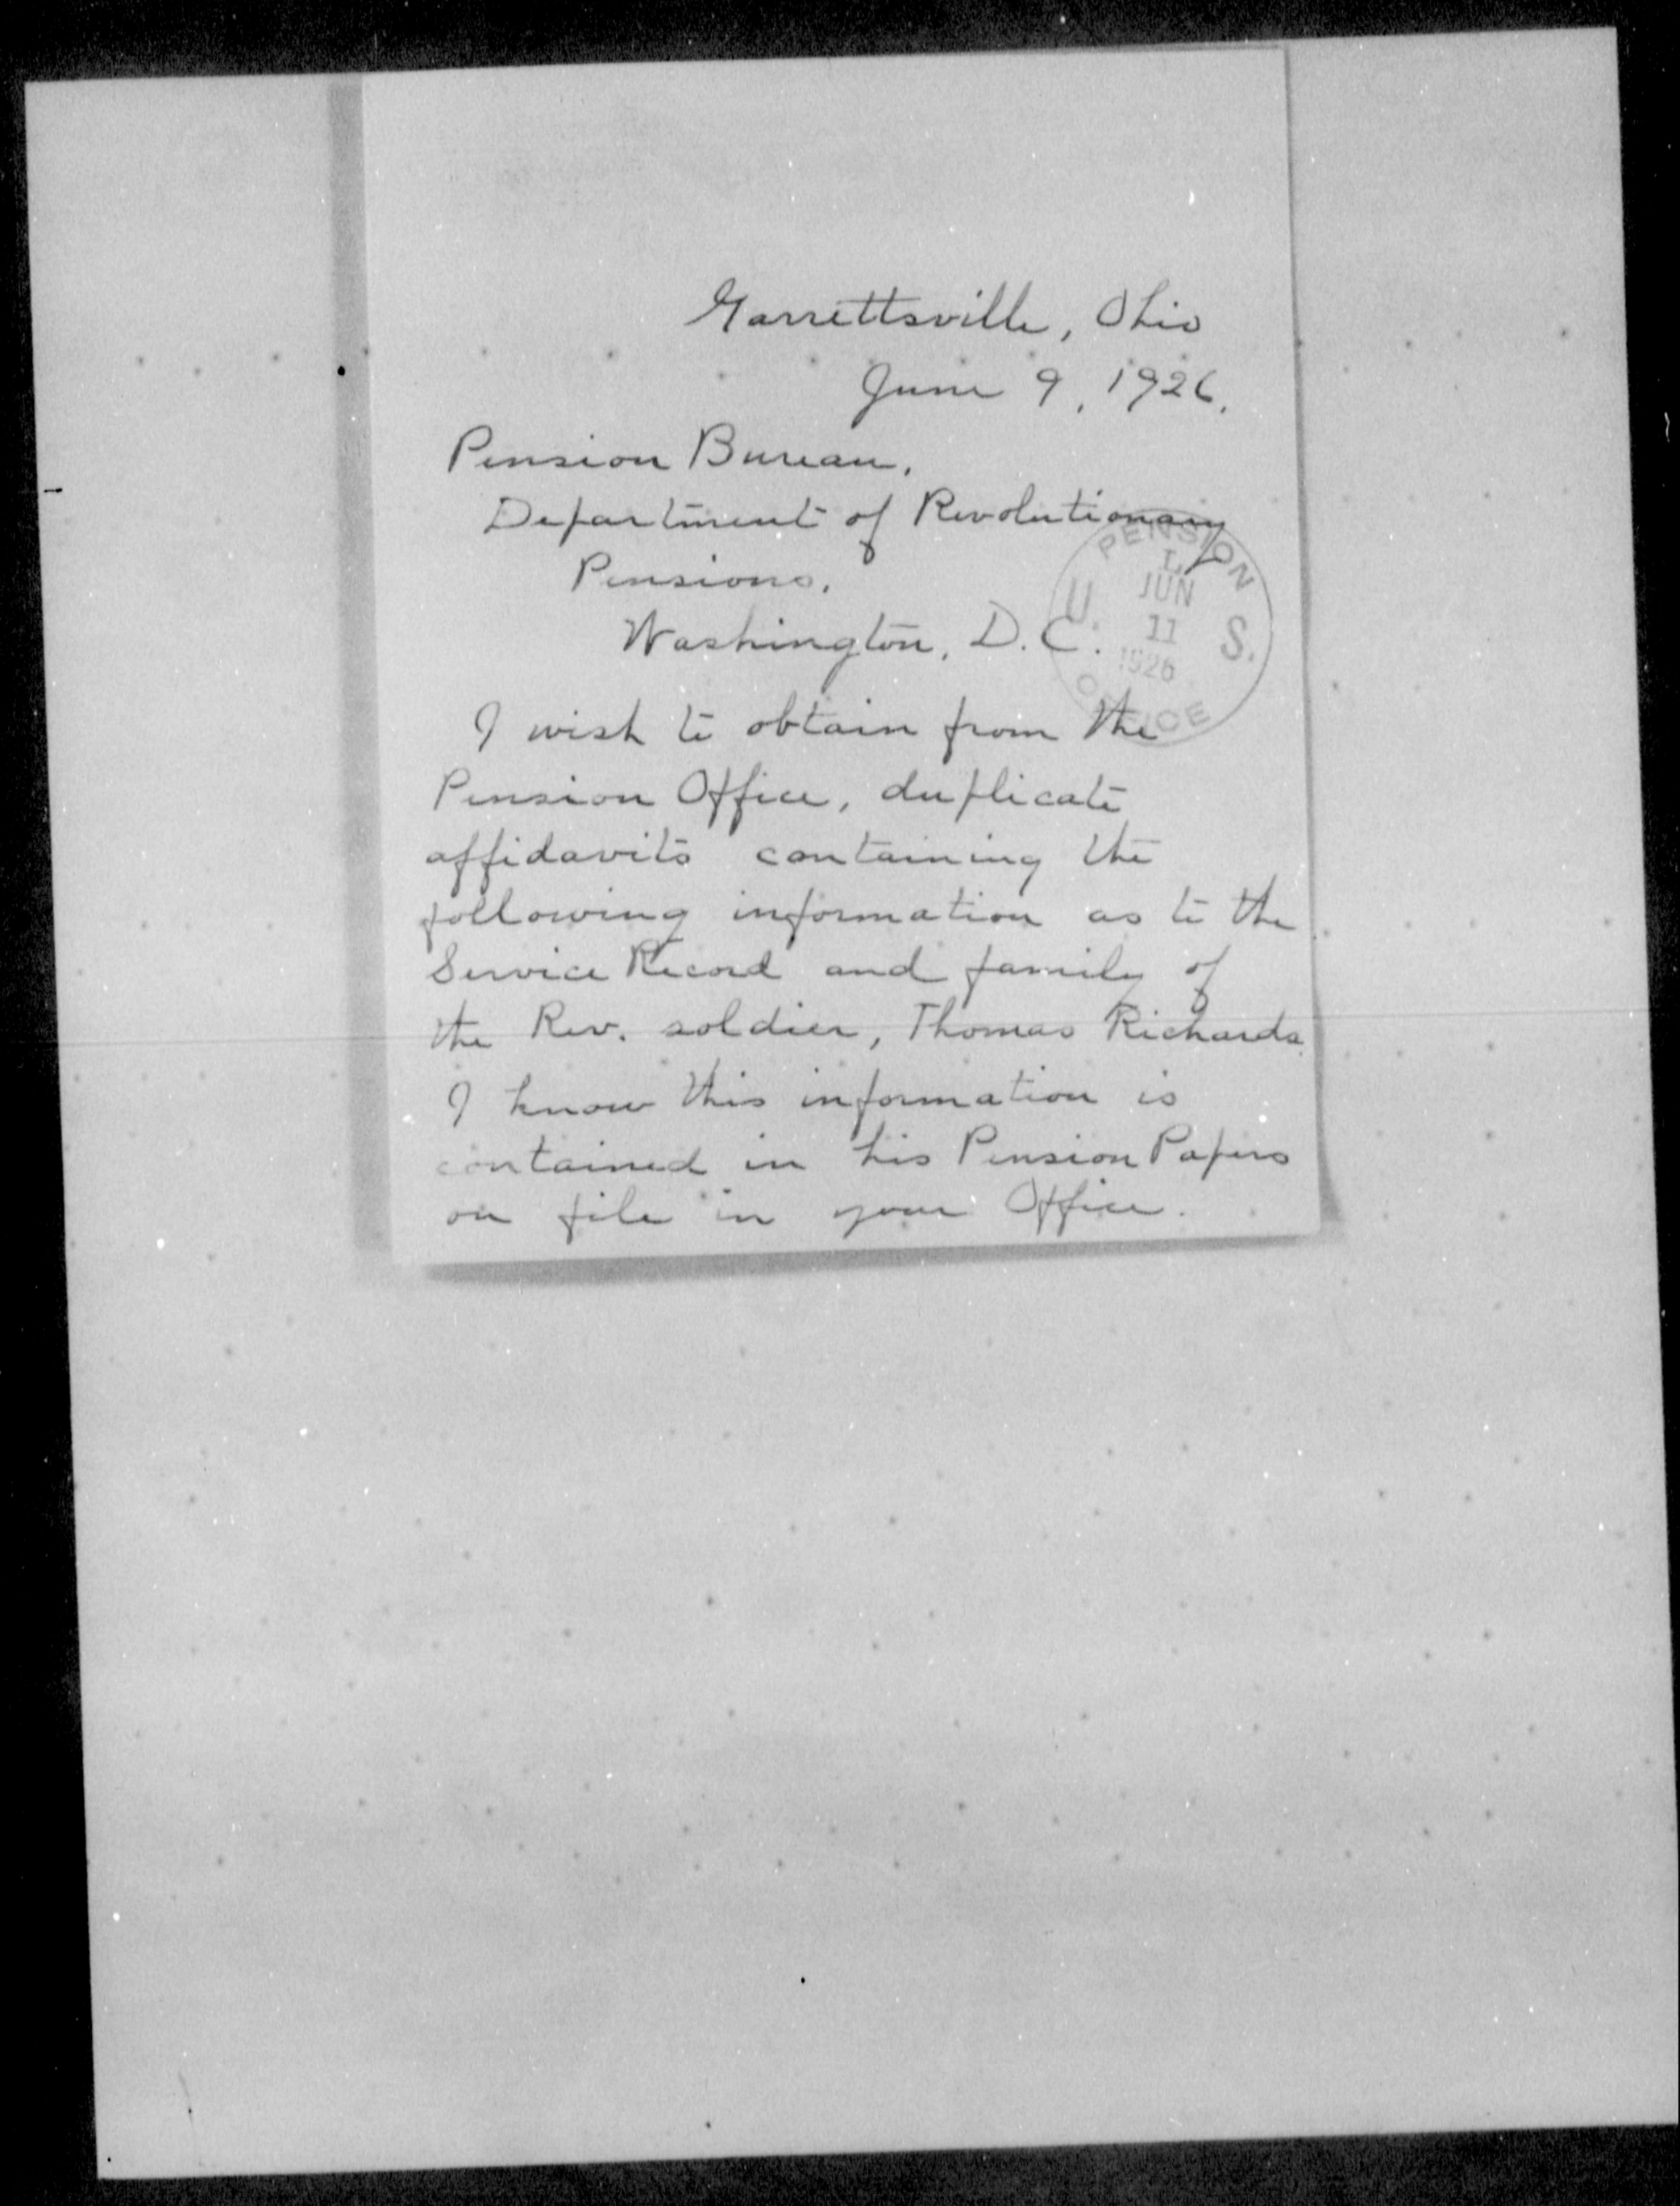Garrettsville, Ohio
June 9 1926.
Pension Bureau
Department of Revolutionary
Pensions,
Washington, D.C. [stamp] U.S. PENSION OFFICE L JUN 11 1926

I wish to obtain from the Pension Office, duplicate affidavits containing the following information as to the Service Record and family of the Rev. [REVOLUTIONARY] soldier, Thomas Richards.
I know this information is contained in his Pension Papers on file in your office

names: Thomas Richards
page: 106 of 109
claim: widow's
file: W. 5709, for Thomas Richards, New Hampshire